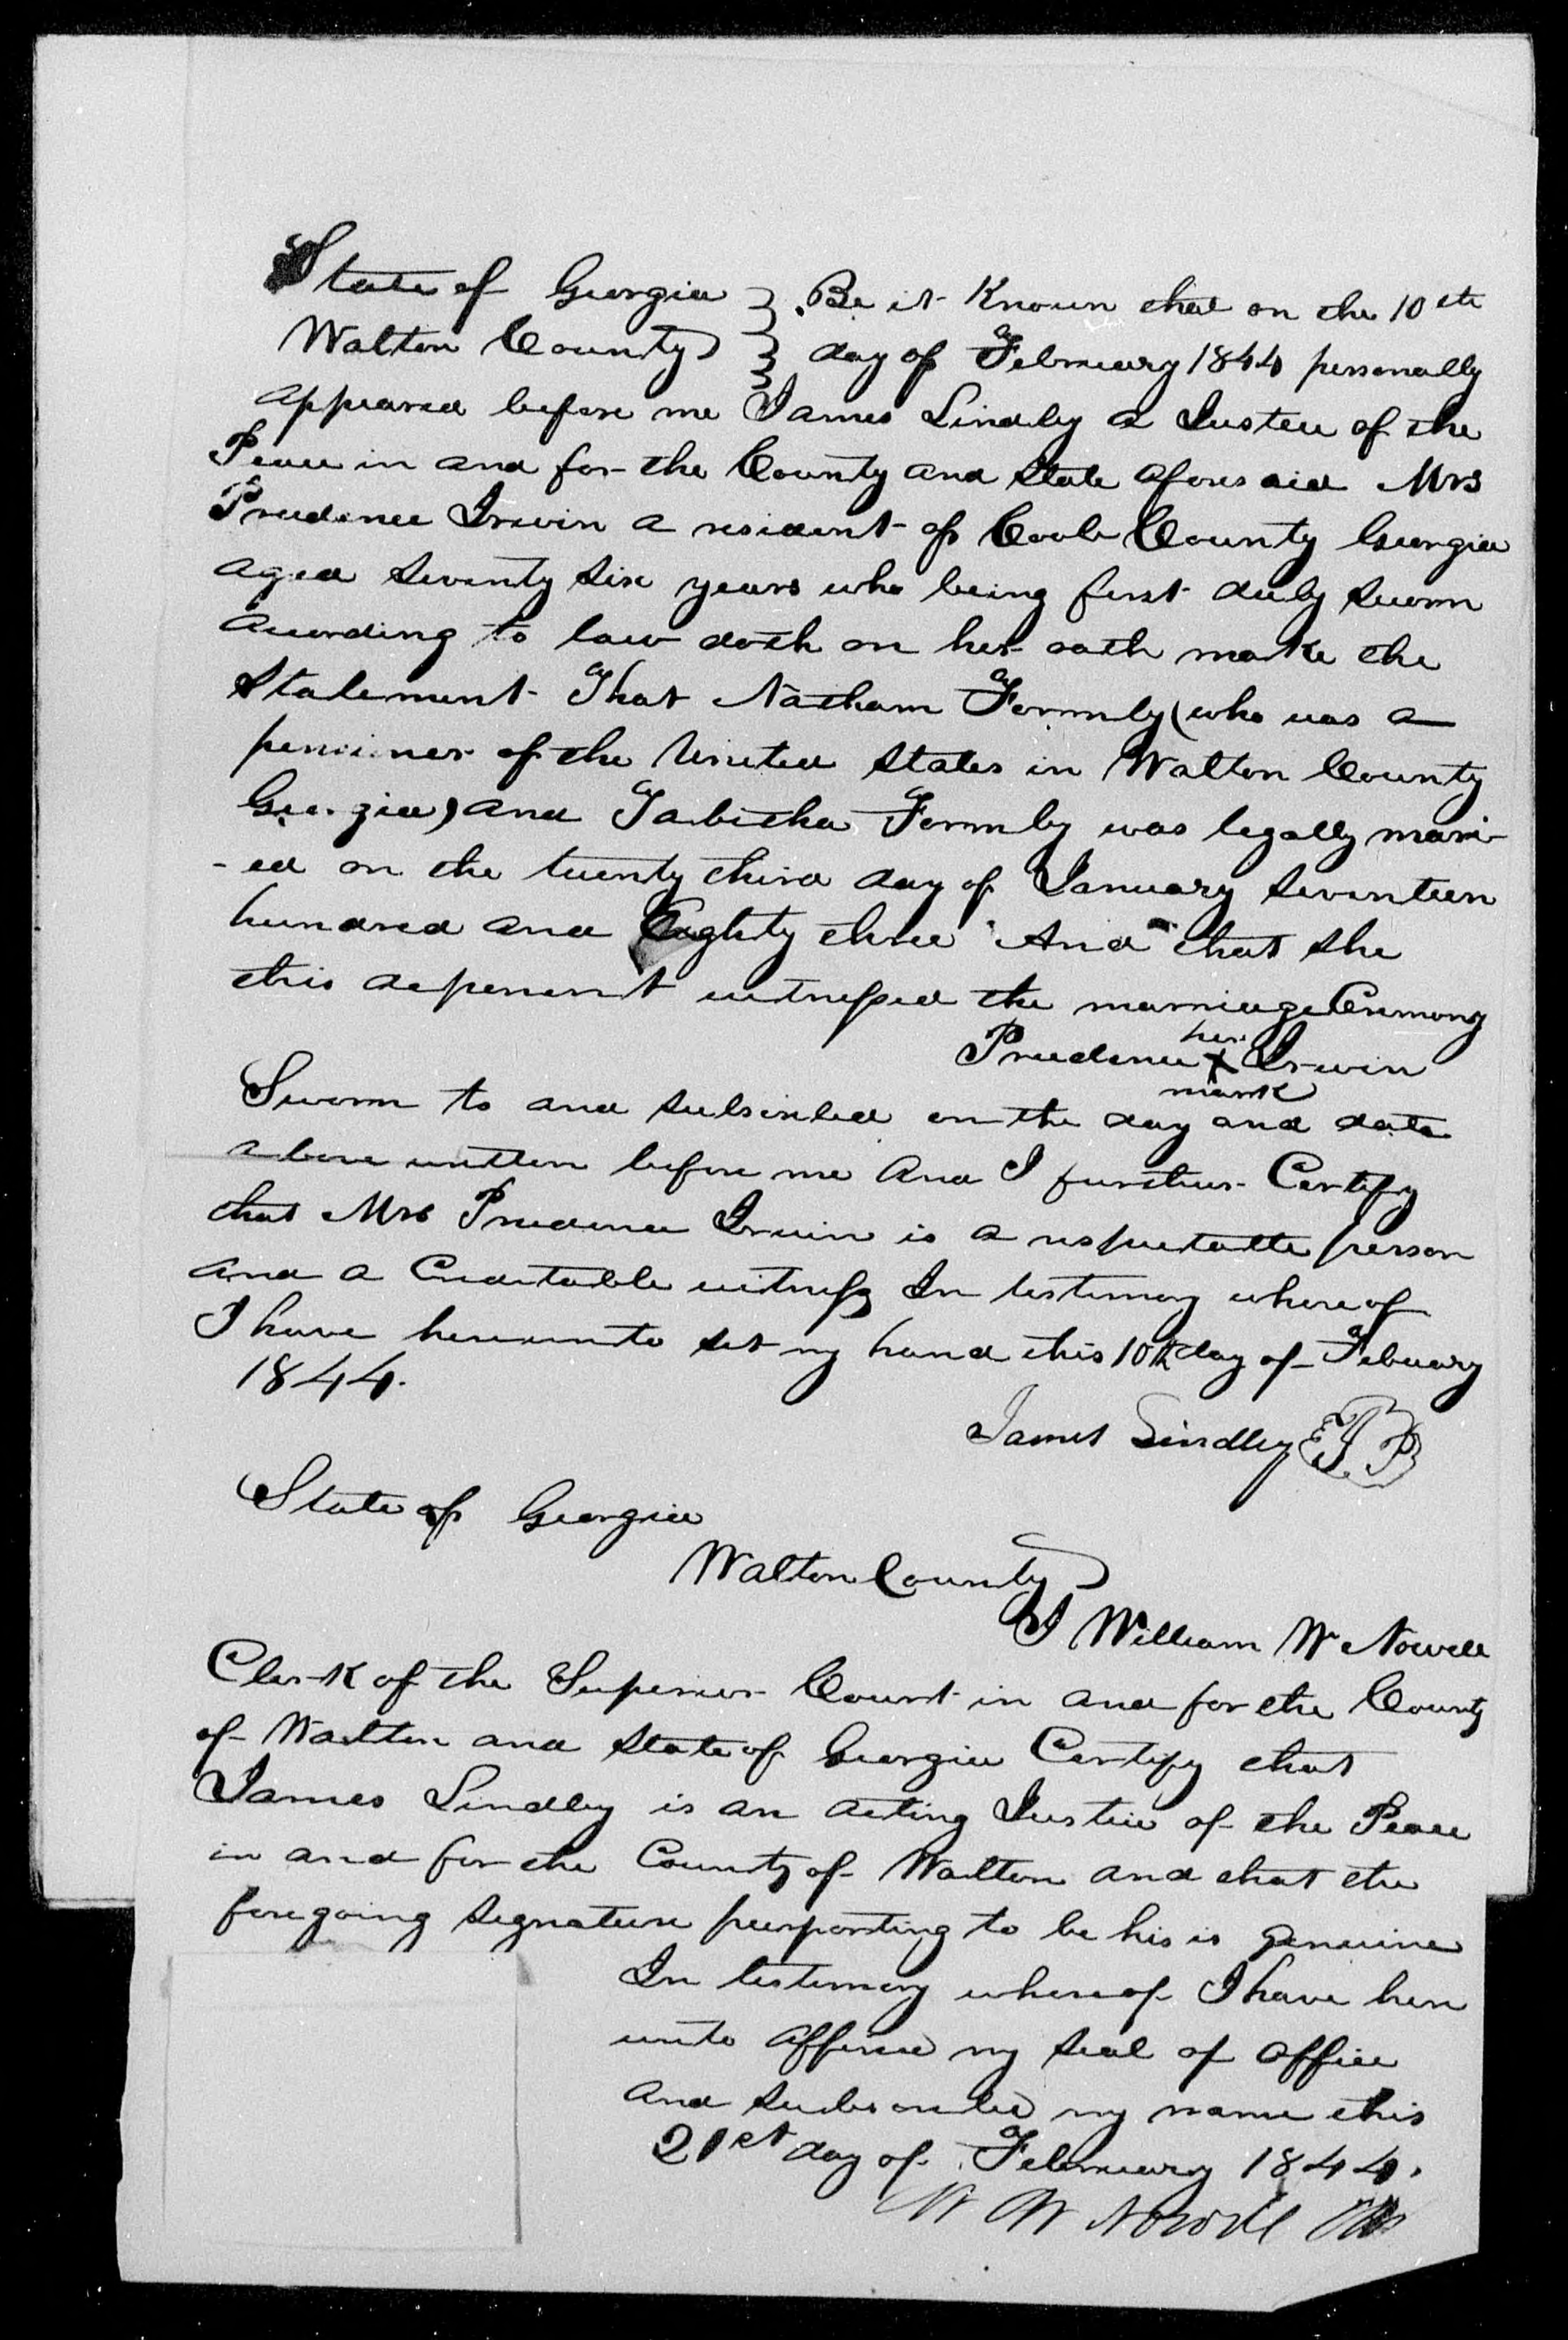State of Georgia
Walton County 

   Be it Known that on the 10th day of February 1844 personally appeared before me James Lindley a Justice of the Peace in and for the County and State aforesaid Mrs. Prudence Irwin a resident of Cole County Georgia aged Seventy Six years who being first duly sworn according to law doth on her oath make the Statement that Nathan Formby (who was a pensioner of the United States in Walton County Georgia), and Tabitha Formby was legally married on the twenty third day of January Seventeen
hundred and Eighty three, and that she, this deponent witnessed the marriage Ceremony 
Prudence (her X mark) Irwin

   Sworn to and subscribed on the day and date above written before me and I further Certify that Mrs Prudence Irwin is a reputable person and a creditable witness In testimony whereof.  I have hereunto set my hand this 10th day of February 1844.
   James Lindley, J.P. [Seal]

State of Georgia
Walton County 

   I William W Nowell Clerk of the Superior Court in and for the County
of Walton and State of Georgia Certify that James Lindley is an acting Justice of the Peace in and for the County of Walton and that the
foregoing signature purporting to be his is genuine.

   In Testimony whereof I have here unto affixed my seal of Office and subscribed my name this 21st day of February 1844.
    W W Nowell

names: Prudence Irwin, James Lindley, James Lindley, James Lindley, Nathan Formby, Tabitha Formby, William W Nowell, Prudence Irwin, W W Nowell, Prudence Irwin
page: 44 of 54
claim: widow's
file: W. 3794, Nathan Formby, Va.